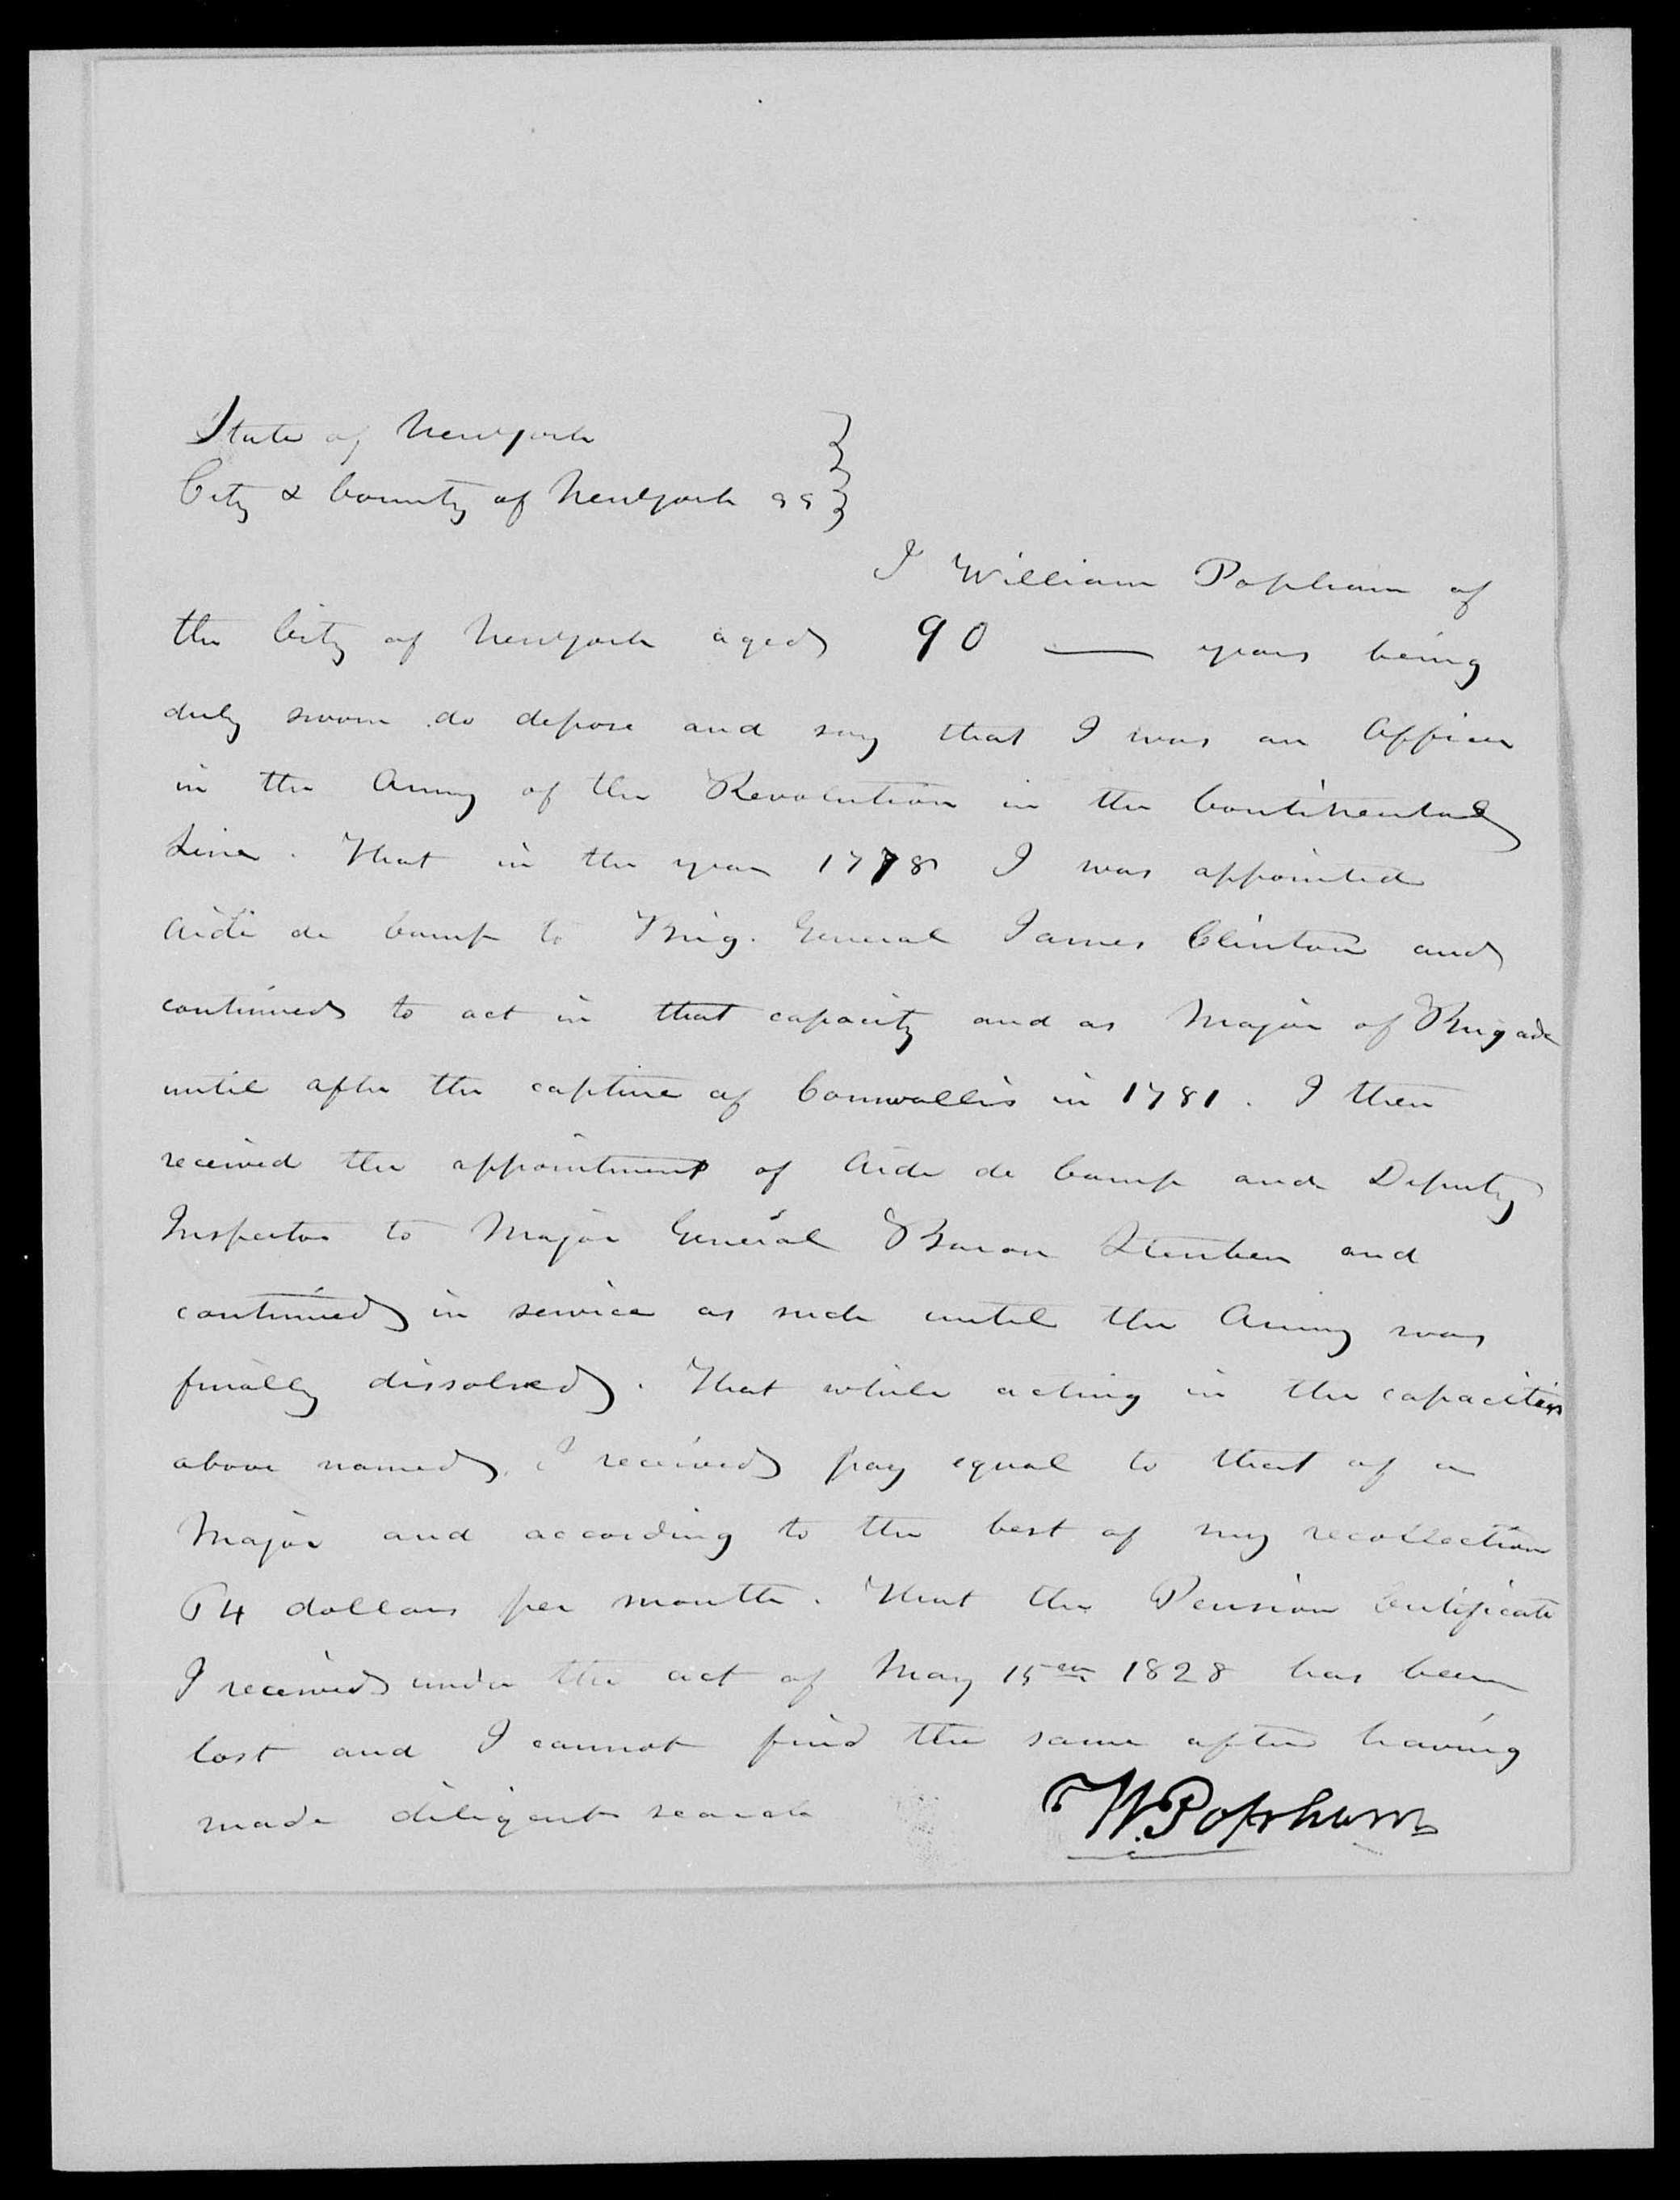State of New York City}
& County of New York}
I William Popham of
the City of New York aged 90 - years being
duly sworn do depose and say that I was an Officer
in
the Army of the Revolution in the Continental
Line. That in the year 1778 I was appointed
Aide de Camp to Brig General James Clinton and
continued to act in that capacity and as Major of Brigand
until after the capture of Cornwallis in 1781. I then received the appointment of Aide de Camp and Deputy
Inspector to Major General Baron Steuben and
continued in service as much until the Army was
finally dissolved. That while acting in the capacities
above named I received pay equal to that of a
Major
and according to the best of my recollection
64 dollars per month. That the Pension Certificate
I received under the act of May 15th 1828 has been
last and I cannot find the same after having
made diligent search
W. Popham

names: [BLANK] Cornwallis; Baron Steuben; William Popham; James Clinton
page: 49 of 75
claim: survivor's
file: S. 9989, for William Popham, Delaware